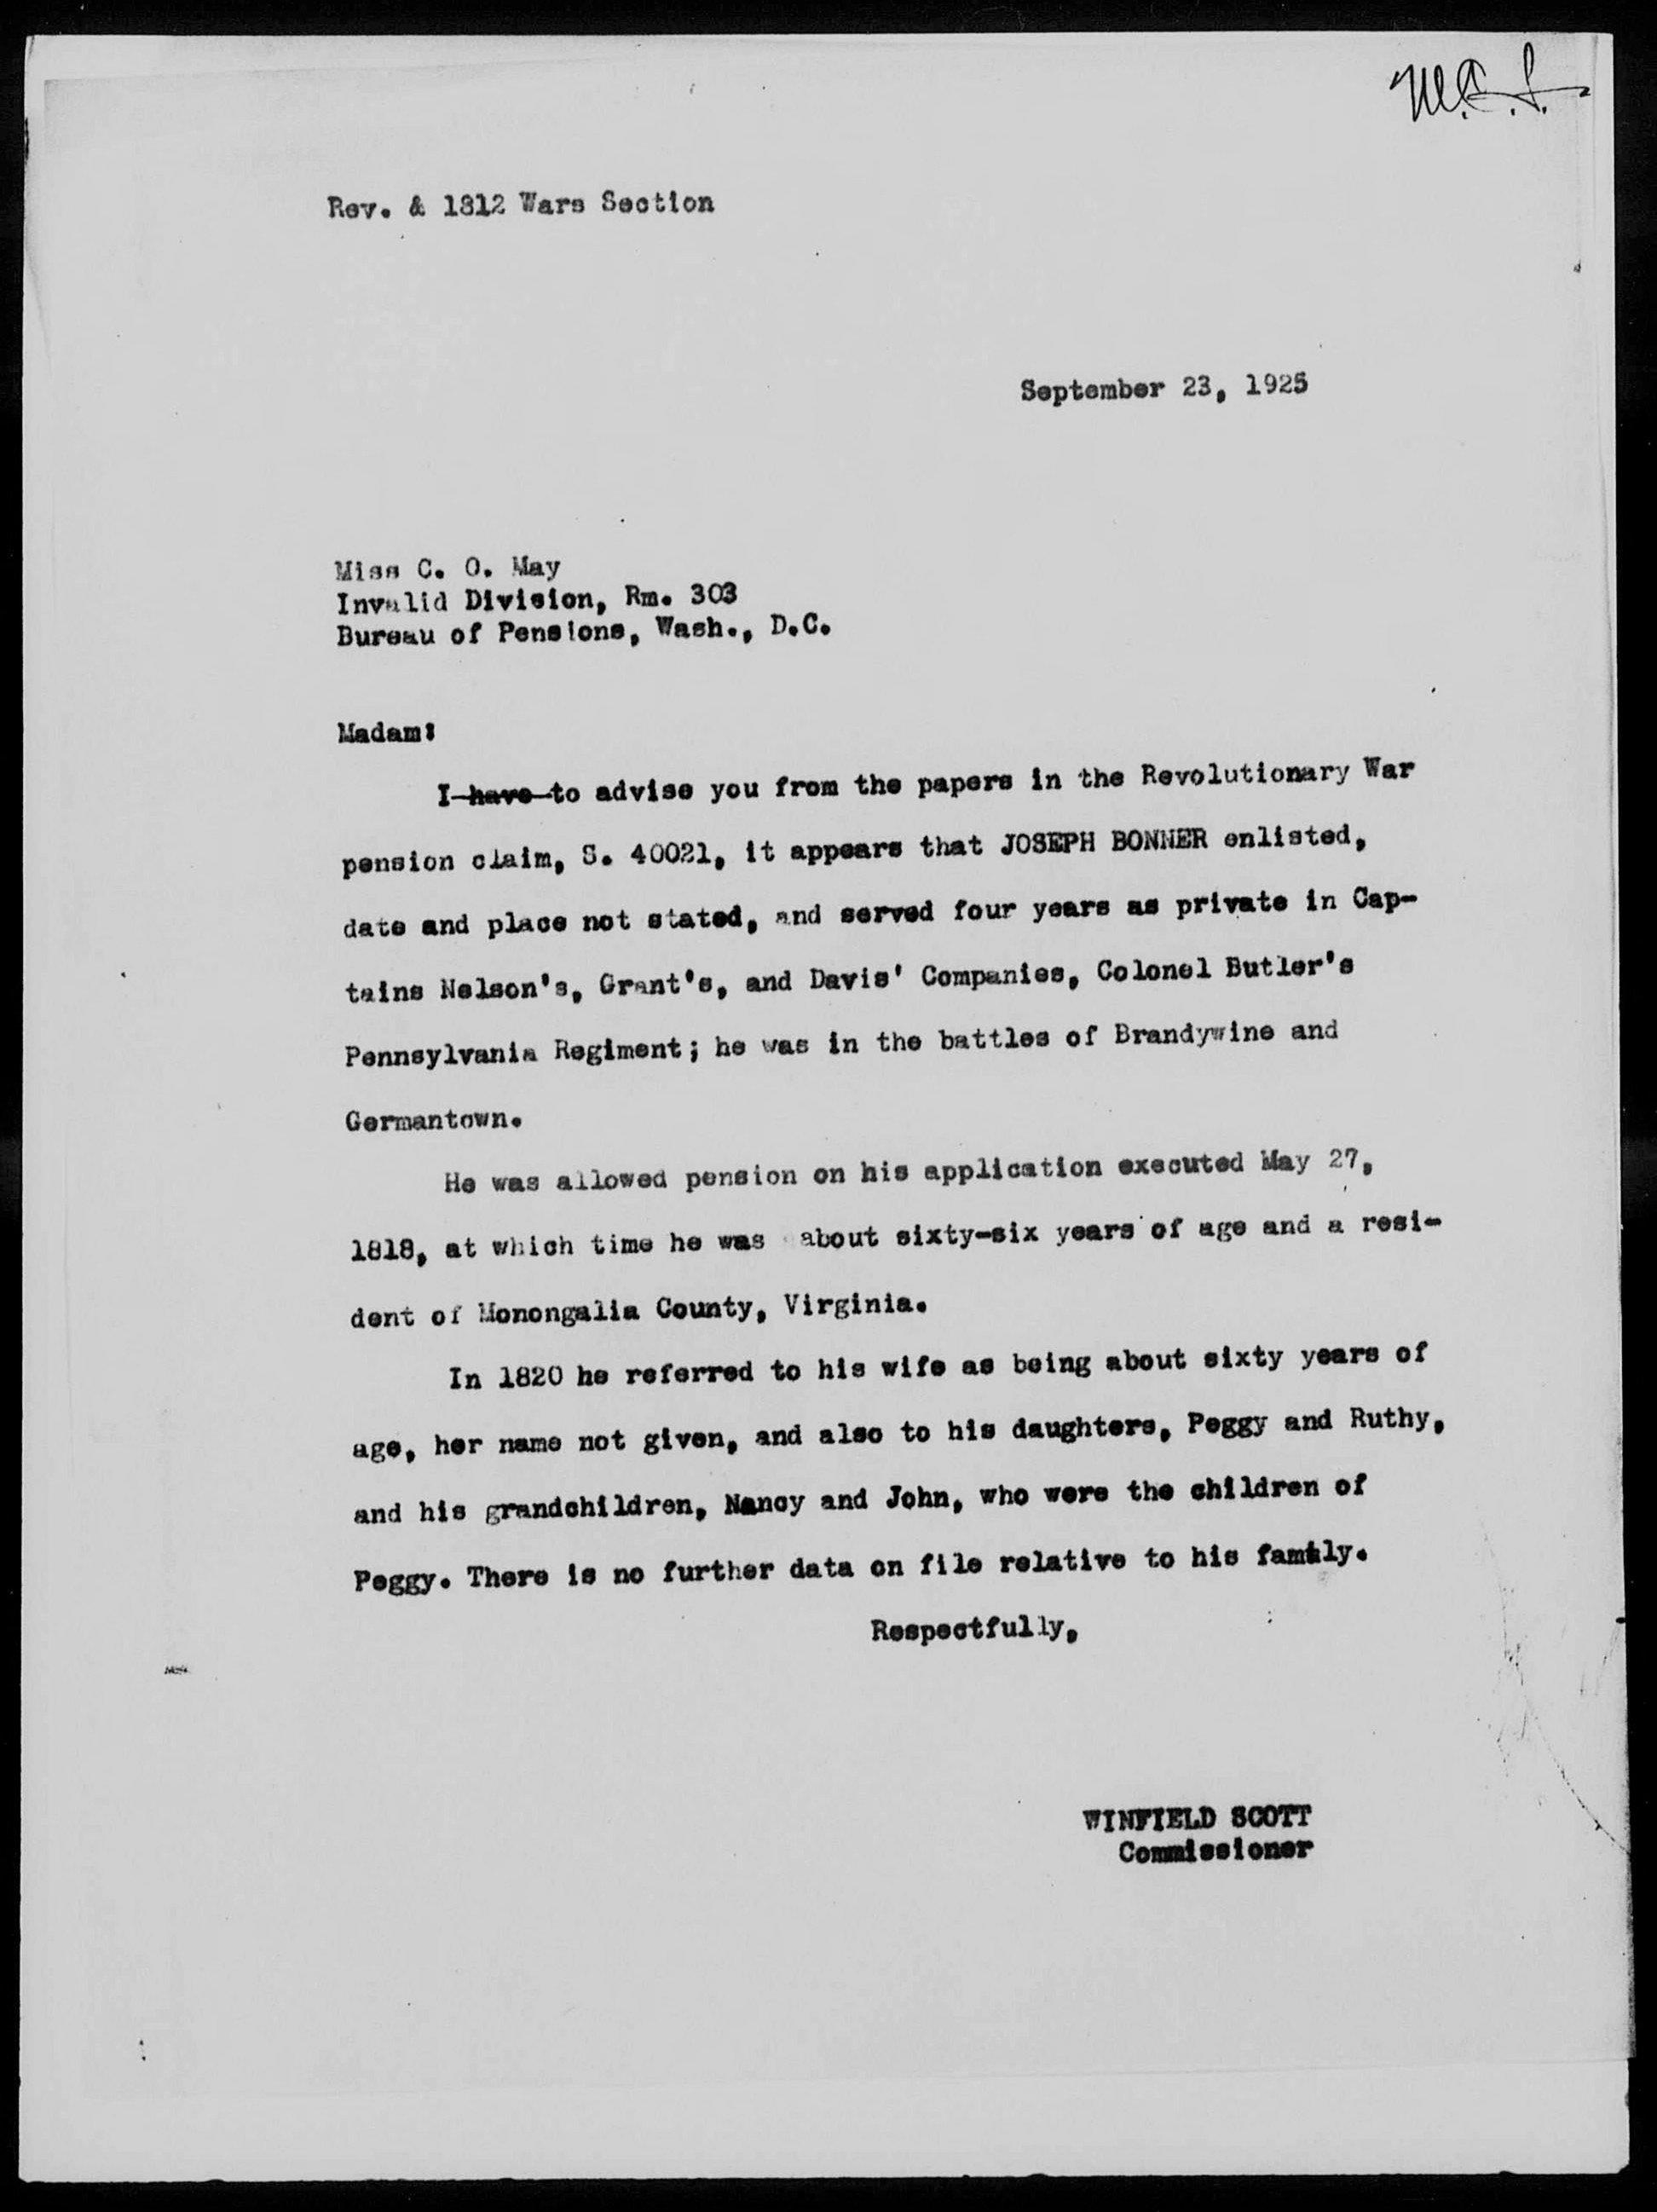Rev. & 1812 Wars Section
W.C.S. [illegible]

September 23, 1925

Miss C. O. May
Invalid Division, Rm. 303
Bureau of Pensions, Wash., D.C.

Madam;

I have to advise you from the papers in the Revolutionary War pension claim, S. 40021, it appears that JOSEPH BONNER enlisted,
date and place not stated, and served four years as private in Captains Nelson's, Grant's, and Davis' Companies, Colonel Butler's Pennsylvania Regiment; he was in the battles of Brandywine and Germantown.

He was allowed pension on his application executed May 27, 1818, at which time he was about sixty-six years of age and a resident
of Monongalia County, Virginia.

In 1820 he referred to his wife as being about sixty years of age, her name not given, and also to his daughters, Peggy and Ruthy,
and his grandchildren, Nancy and John, who were the children of Peggy. There is no further data on file relative to his family.

Respectfully,
WINFIELD SCOTT
Commissioner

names: Joseph Bonner, Winfield Scott, Ruthy, John, Peggy, Nancy, C O May, Peggy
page: 18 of 20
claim: survivor's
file: S. 40,021, Joseph Bonner, Penn.